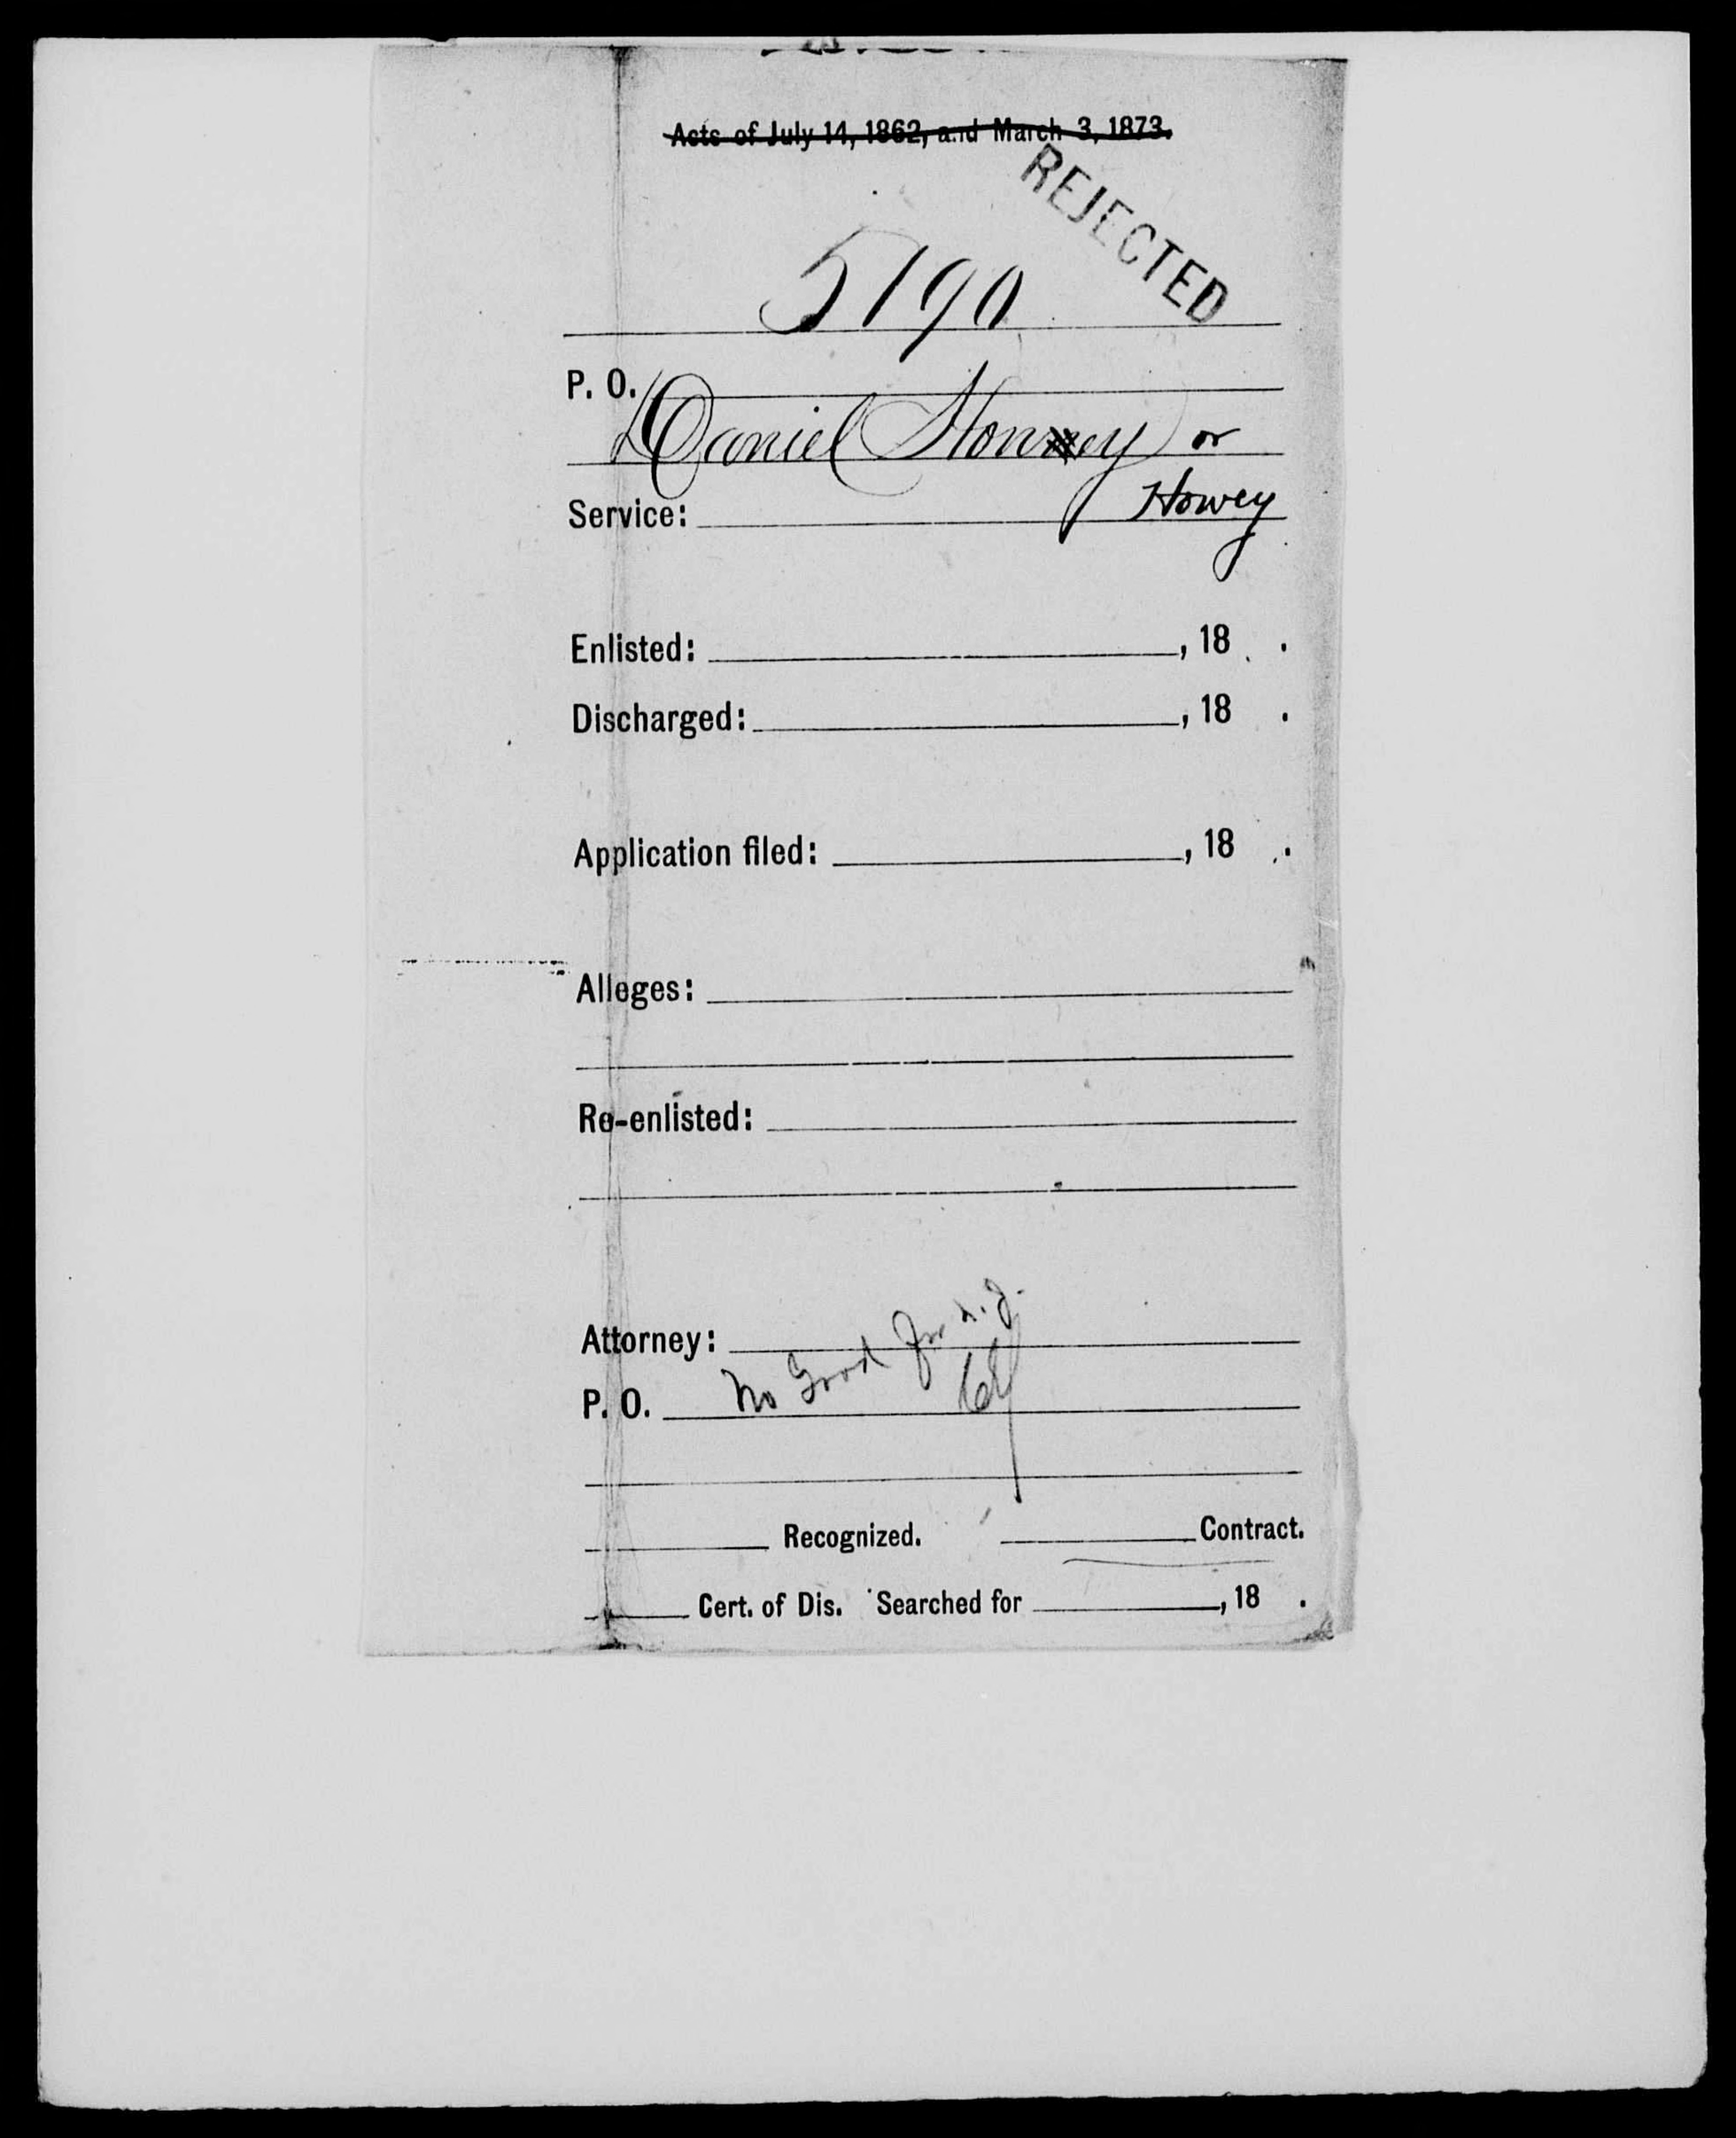[printed across top of card and crossed out]
Acts of July 14, 1862 and March 3, 1873.
[stamped] REJECTED
[handwritten] 5190
P.O. Daniel Honney ['n' crossed out] or Howey
Service:_____
Enlisted: _____, 18  .
Discharged: __________, 18  .
Application filed: ______, 18  .
Alleges: ______
Re-enlisted:________
Attorney:______
P.O. ________
[handwritten] No Good for N.J. CY
______Recognized. ________Contract.
_______ Cert. of Dis.    Searched for ______, 18  .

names: Daniel Howey, Daniel Honey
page: 10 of 25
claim: rejected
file: R. 5190, Daniel Howey, New Jersey New York